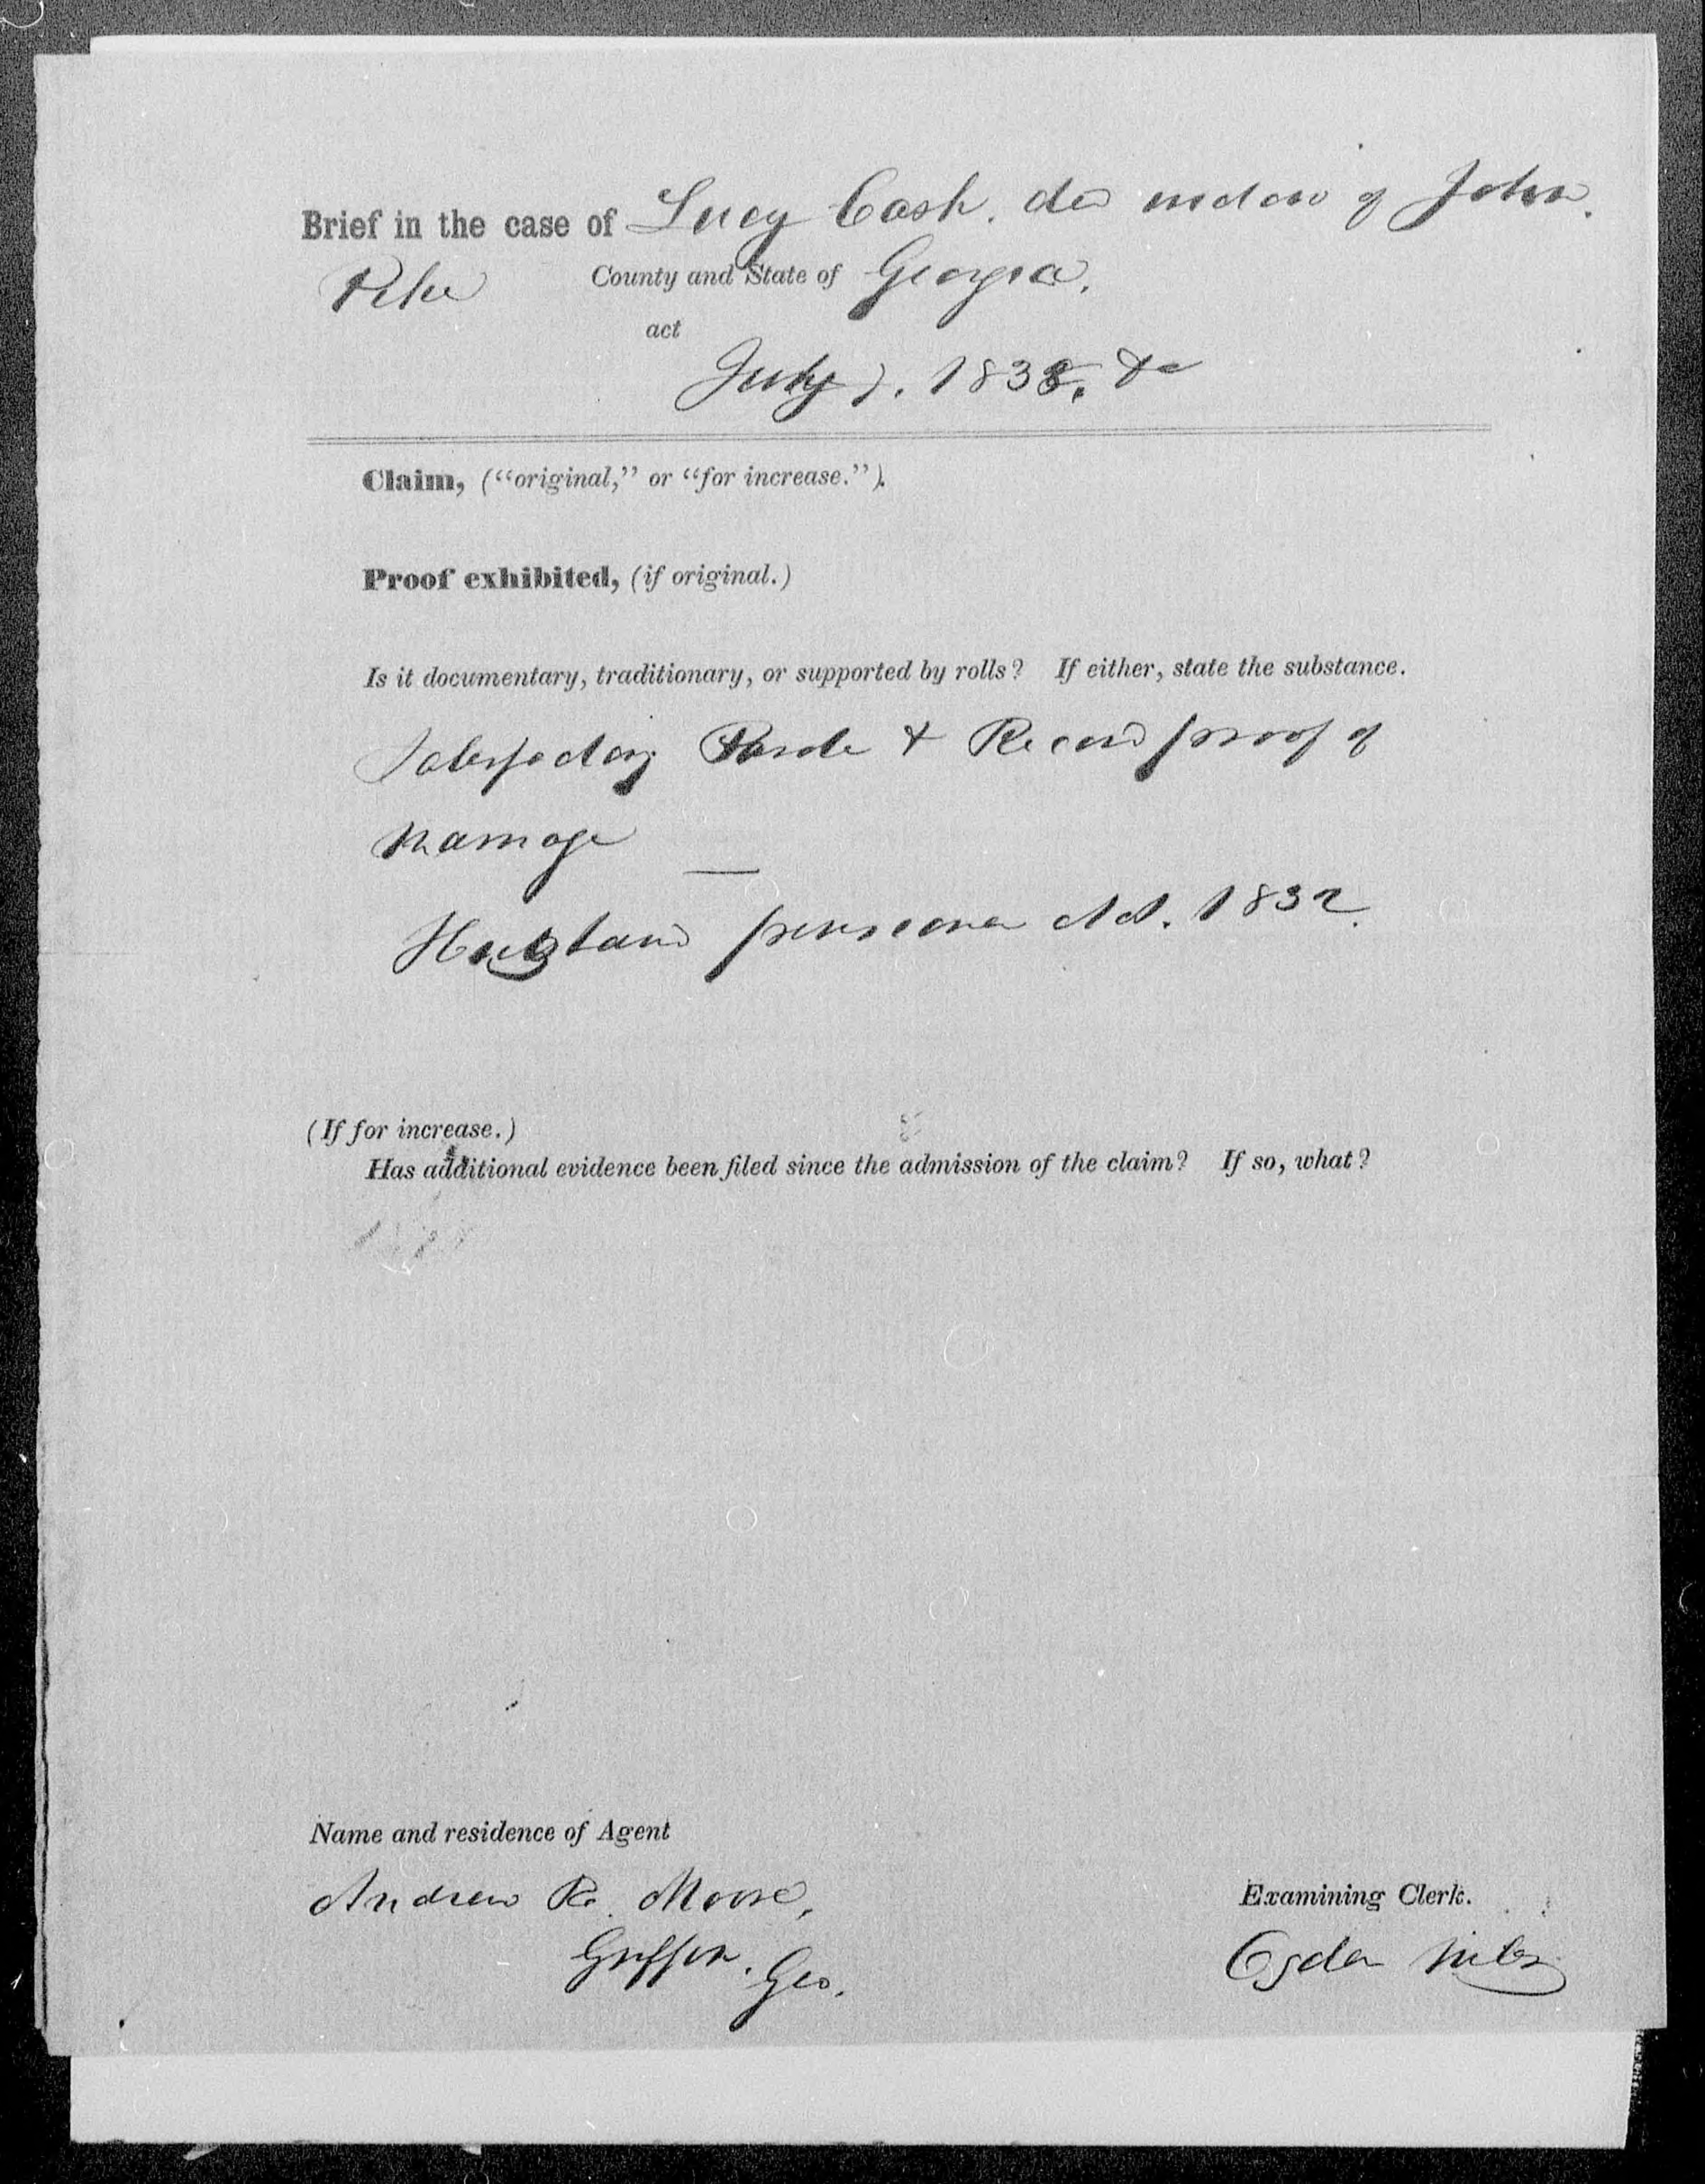Brief in the case of Lucy Cash, dec'did widow of John Cash
Pike County and State of Georgia
Act July 7, 1838,

Claim (Original, or for increase.)
Proof exhibited, (if original.)
Is it documentary, traditionary, or supported by rolls? If either, state the substance.
Satisfactory Proof Record proof of
marriage
---
Husband Pension   Act 1832
(If for increase.)
Has
additional evidence been filed since the admission of the claim? If so, what?
Name and residence of Agent
Andrew R. Moore
Griffin, Georgia

Ogden Niles Examining Clerk.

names: John Cash, Andrew R Moore, Ogden Niles, Lucy Cash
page: 41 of 73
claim: widow's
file: W. 5,894, John Cash, Va.